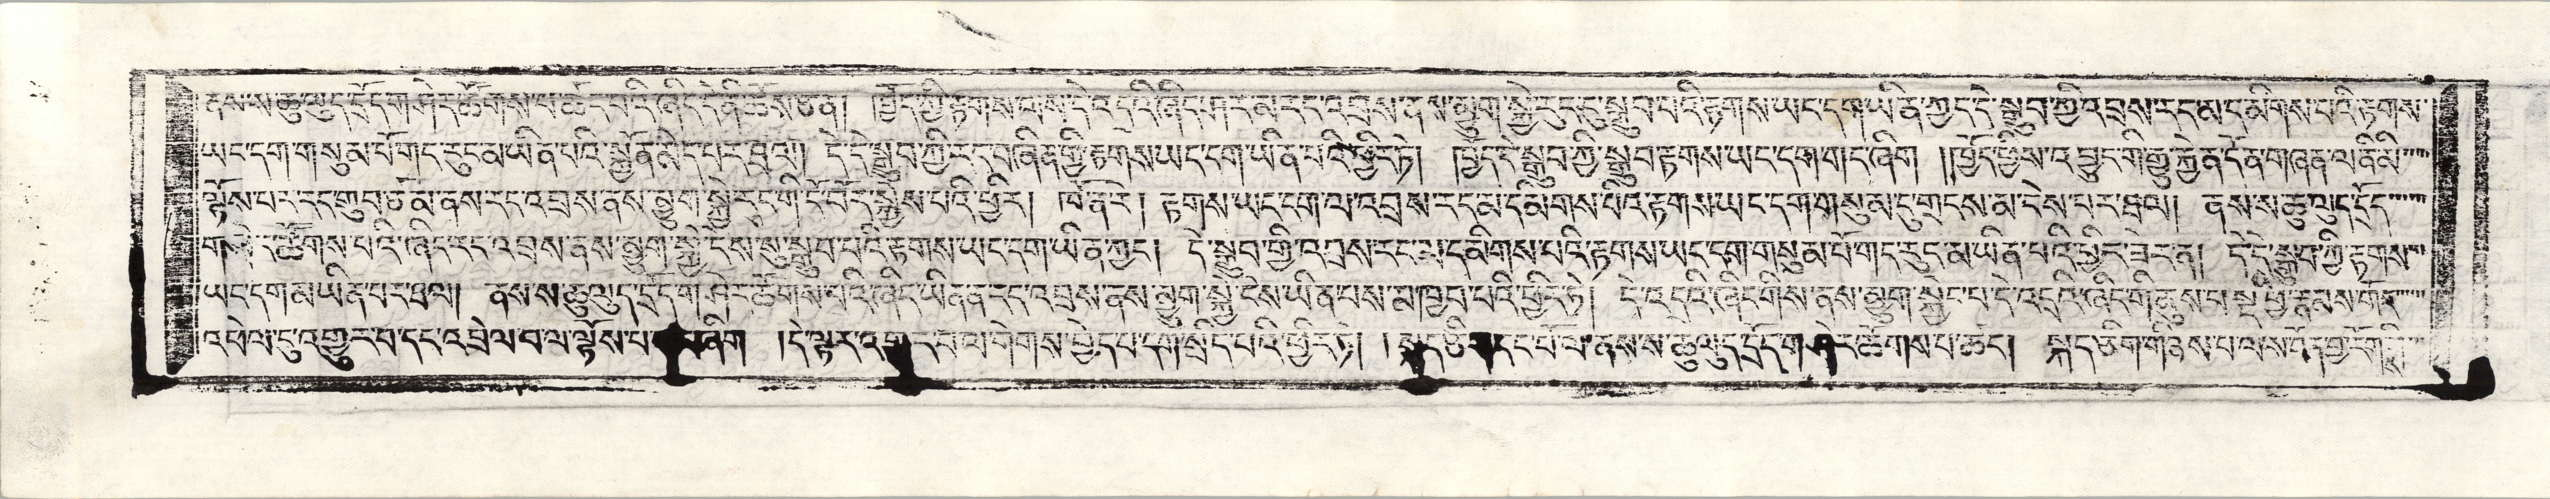ནས་ས་ཆུ་ལུད་དྲོད་གཤེར་ཚོགས་པ་ཚང་བའི་ཞིང་དེ་ནི་ཆོས་ཅན། ཁྱོད་ཀྱི་རྟགས་ལས་དེ་འདྲའི་ཞིང་ཤར་མ་རང་འབྲས་ནས་མྱུག་སྐྱེ་རུང་དུ་སྒྲུབ་པའི་རྟགས་ཡང་དག་ཡིན་ཀྱང་དེ་སྒྲུབ་ཀྱི་འབྲས་རང་མ་དམིགས་པའི་རྟགས་
ཡང་དག་གསུམ་པོ་གང་རུང་མ་ཡིན་པའི་སྐྱོན་མེད་པར་ཐལ། དེ་དེ་སྒྲུབ་ཀྱི་རང་བཞིན་གྱི་རྟགས་ཡང་དག་ཡིན་པའི་ཕྱིར་ཏེ། ཁྱོད་དེ་སྒྲུབ་ཀྱི་སྒྲུབ་རྟགས་ཡང་དག་གང་ཞིག །ཁྱོད་ཕྱིས་འབྱུང་གི་རྒྱུ་རྐྱེན་དོན་གཞན་ལ་ནི་མི་
ལྟོས་པར་རང་གྲུབ་ཙམ་ནས་རང་འབྲས་ནས་མྱུག་སྐྱེ་རུང་གི་ངོ་བོར་སྐྱེས་པའི་ཕྱིར། ཁོ་ན་རེ། རྟགས་ཡང་དག་ལ་འབྲས་རང་མ་དམིགས་པའི་རྟགས་ཡང་དག་གསུམ་དུ་གྲངས་མ་ངེས་པར་ཐལ། ནས་ས་ཆུ་ལུད་དྲོད་
གཤེར་ཚོགས་པའི་ཞིང་རང་འབྲས་ནས་མྱུག་སྐྱེ་ངེས་སུ་སྒྲུབ་པའི་རྟགས་ཡང་དག་ཡིན་ཀྱང་། དེ་སྒྲུབ་གྱི་འབྲས་རང་མ་དམིགས་པའི་རྟགས་ཡང་དག་གསུམ་པོ་གང་རུང་མ་ཡིན་པའི་ཕྱིར་ཟེར་ན། དེ་དེ་སྒྲུབ་ཀྱི་རྟགས་
ཡང་དག་མ་ཡིན་པར་ཐལ། ནས་ས་ཆུ་ལུད་དྲོད་གཤེར་ཚོགས་པའི་ཞིང་ཡིན་ན་རང་འབྲས་ནས་མྱུག་སྐྱེ་ངེས་ཡིན་པས་མ་ཁྱབ་པའི་ཕྱིར་ཏེ། དེ་འདྲའི་ཞིང་གིས་ནས་མྱུག་སྐྱེད་པ་དེ་འདྲའི་ཞིང་གི་ནུས་པ་སྔ་ཕྱི་རྣམས་གོང་
འཕེལ་དུ་འགྱུར་བ་དང་འབྲེལ་བ་ལ་ལྟོས་པ་གང་ཞིག །དེ་ལྟར་འགྱུར་བ་ལ་གེགས་བྱེད་པ་དག་སྲིད་པའི་ཕྱིར་ཏེ། །སྐད་ཅིག་དང་པོ་ལ་ནས་ས་ཆུ་ལུད་དྲོད་གཤེར་ཚོགས་པ་ཚང་། སྐད་ཅིག་གཉིས་པ་ལ་ས་བོན་བྱ་རོག་གིས་